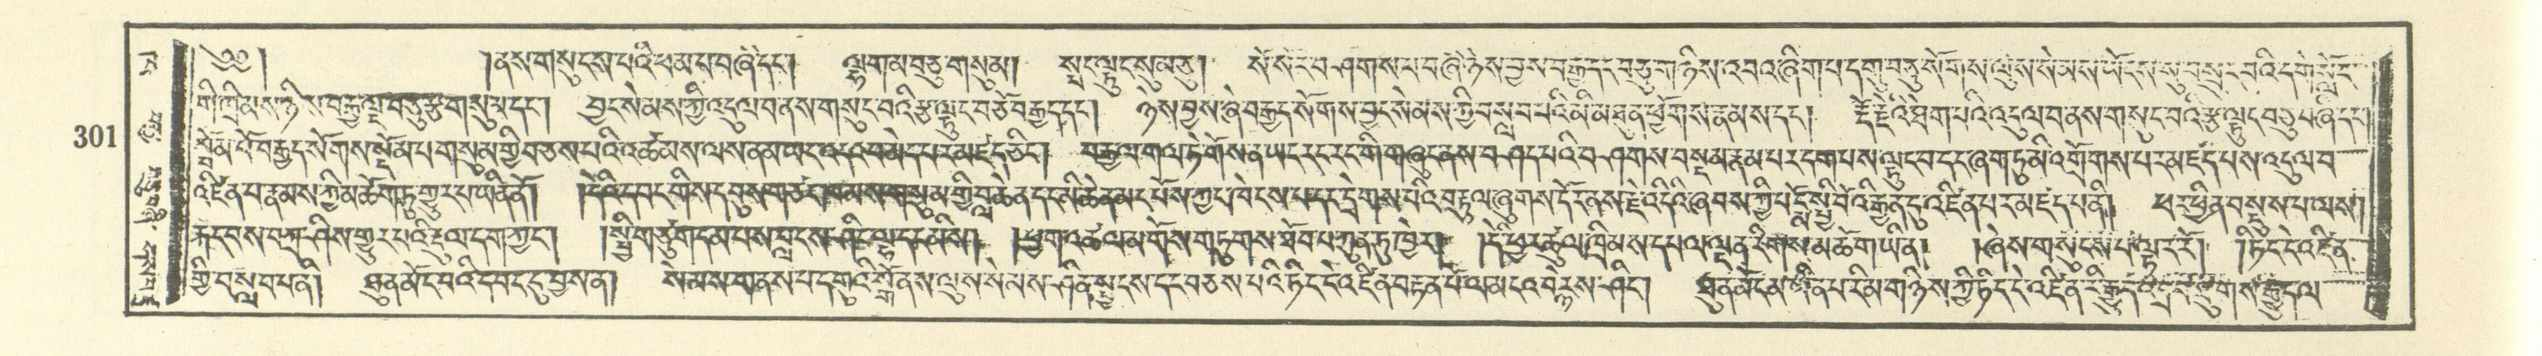༄༅། །ནས་གསུངས་པའི་ཕམ་པ་བཞི་དང་། ལྷག་མ་བཅུ་གསུམ། སྤང་ལྟུང་སུམ་ཅུ། སོ་སོར་བཤགས་པ་བཞི་ཉེས་བྱས་བརྒྱ་དང་བཅུ་གཉིས་འབའ་ཞིག་པ་དགུ་བཅུ་སོགས་ལུས་སེམས་ཡོངས་སུ་བསྲུང་བའི་དགེ་སློང་
གི་ཁྲིམས་ཉིས་བརྒྱ་ལྔ་བཅུ་རྩ་གསུམ་དང་། བྱང་སེམས་ཀྱི་འདུལ་བ་ནས་གསུང་བའི་རྩ་ལྷུང་བཅོ་བརྒྱད་དང་། ཉེས་བྱས་ཞེ་བརྒྱད་སོགས་བྱང་སེམས་ཀྱི་བསླབ་པའི་མི་མཐུན་ཕྱོགས་རྣམས་དང་། རྡོ་རྗེའི་ཐེག་པའི་འདུལ་བ་ནས་གསུང་བའི་རྩ་ལྟུང་བཅུ་བཞི་དང་།
སྦོམ་པོ་བརྒྱད་སོགས་སྡོམ་པ་གསུམ་གྱི་བཅས་པའི་འཚམས་ལས་ནམ་ཡང་འདའ་བ་མེད་པར་མཛད་ཅིང་། བརྒྱ་ལ་གལ་ཏེ་གོས་ན་ཡང་རང་རང་གི་གཞུང་ནས་བཤད་པའི་བཤགས་བསྡམ་རྣམ་པར་དག་པས་ལྟུང་བ་དང་ཞག་ཏུ་མི་འགྲོགས་པར་མཛད་པས་འདུལ་བ་
འཛིན་པ་རྣམས་ཀྱི་མཆོག་ཏུ་གྱུར་པ་ཡིན་ནོ། །དེའི་དབང་གིས་དབུས་གཙང་ཁམས་གསུམ་གྱི་བླ་ཆེན་དང་མི་ཆེན་མང་པོས་ཀྱང་ཁེངས་པ་དང་དྲེགས་པའི་བརྟུལ་ཞུགས་དོར་ནས་རྗེ་འདིའི་ཞབས་ཀྱི་པདམོ་སྤྱི་བོའི་རྒྱན་དུ་འཛིན་པར་མཛད་པ་ནི། ཕར་ཕྱིན་བསྡུས་པ་ལས།
རྐང་བས་བཀྲ་ཤིས་གྱུར་པའི་རྡུལ་དག་ཀྱང་། །སྦྱི་གཙུག་དམ་པས་བླངས་ཤིང་ལྷ་དང་མིས། །ཕྱག་འཚལ་མགོས་གཏུགས་ཐོབ་པ་ཀུན་ཏུ་ཁྱེར། །དེ་ཕྱིར་ཚུལ་ཁྲིམས་དཔལ་ལྡན་རིགས་མཆོག་ཡིན། །ཞེས་གསུངས་པ་ལྟར་རོ། །ཏིང་ངེ་འཛིན་
གྱི་བསླབ་པ་ནི། ཐུན་མོང་བའི་དབང་དུ་བྱས་ན། སེམས་གནས་པ་དགུའི་སྒོ་ནས་ལུས་སེམས་ཤིན་སྦྱངས་དང་བཅས་པའི་ཏིང་ངེ་འཛིན་བརྟན་པོ་ལ་མངའ་བརྙེས་ཤིང་། ཐུན་མོང་མ་ཡིན་པ་རིམ་གཉིས་ཀྱི་ཏིང་ངེ་འཛིན་རི་རྒྱུད་འདྲ་བ་ཐུགས་རྒྱུད་ལ་